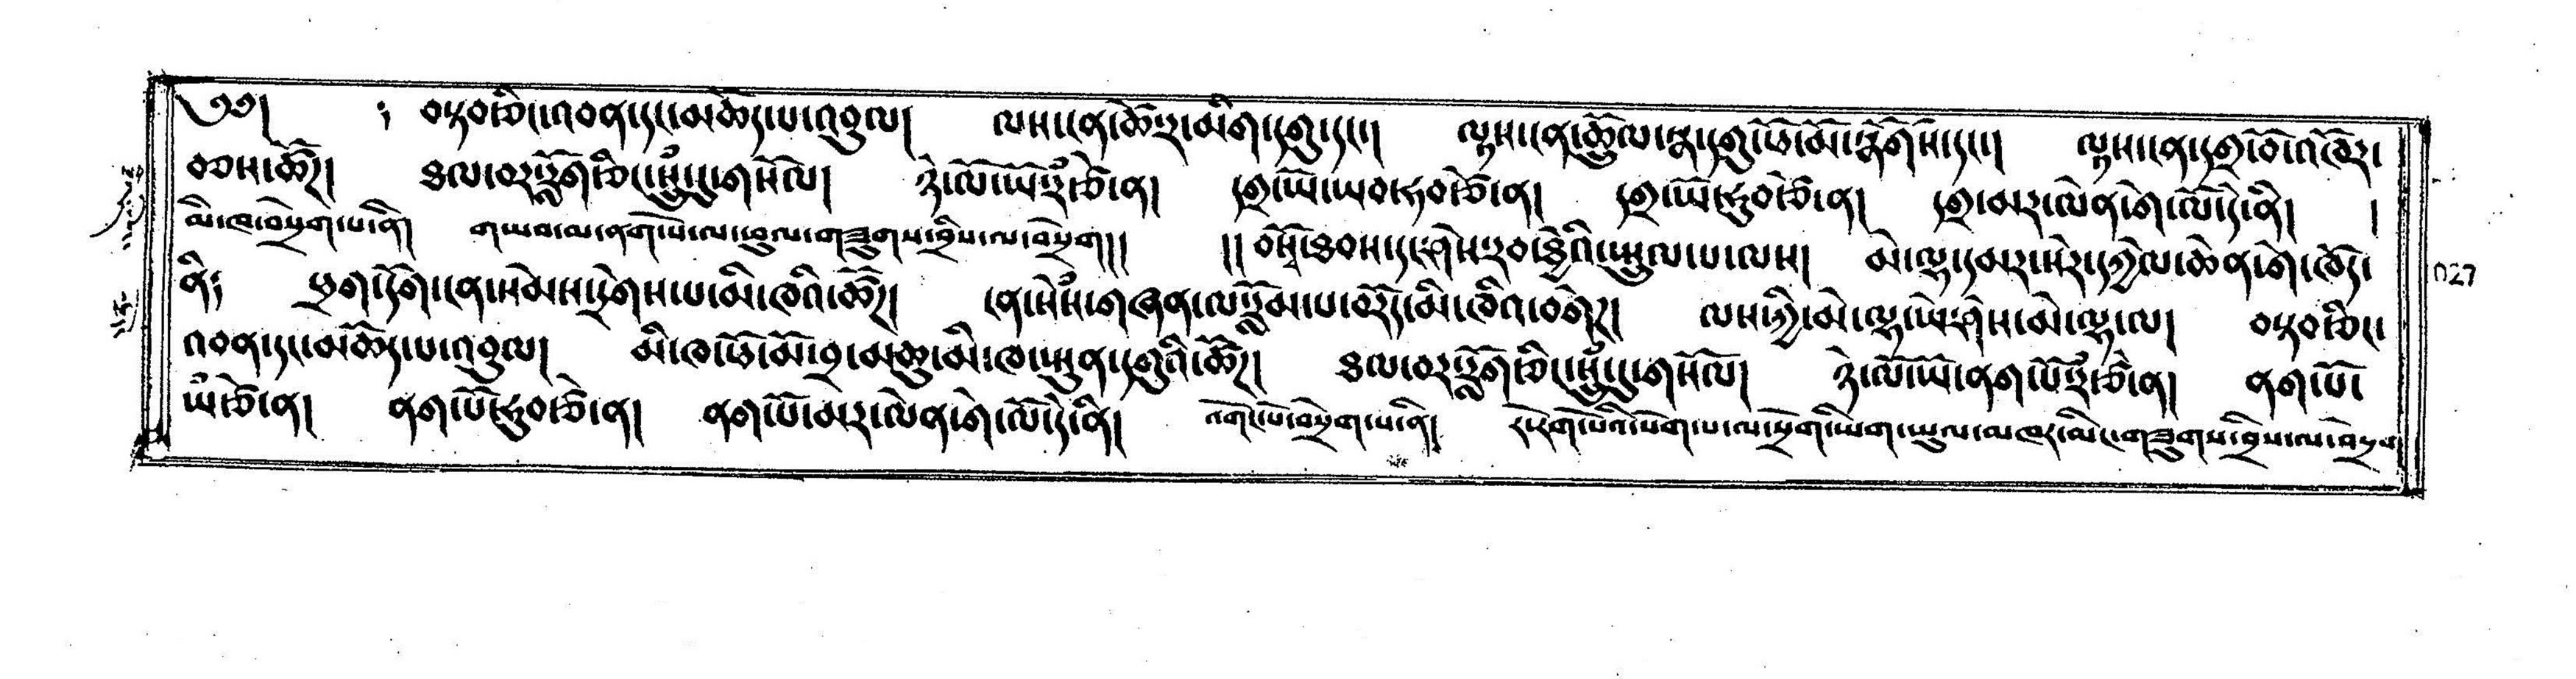བསྟབ་ཅིང་འབན་དང་མཆོད་པ་འབུལ། ལས་ངན་ཚེ་ར་མིག་དགུ་དང་། ལྟས་ངན་ཆོ་འཕྲུལ་སྣ་དགུ་ཕོ་མོ་སྣ་ཚོགས་དང་། ལྟས་ངན་དགྲ་བོ་འཁོར་
བཅས་ཚོགས། ཐལ་བར་རློག་ཅིང་སྲུང་དུ་གསོལ། ཉེ་ལོ་ཡོ་རཾ་ཙེ་ན། དགྲ་ཡོ་ཡབ་ཧབ་ཙེ་ན། དགྲ་ཡོ་ཧུབ་ཙེ་ན། དགྲ་མར་ལེན་གེ་ལོ་དེ་ནི། 
མི་ཁ་བསྲེག་པ་ནི། གཡབ་མ་ནག་པོ་ལ་ཕུལ་༼ཕུར༽གཟུགས་བྲིས་ལ་བསྲེག། །།བསྭོ་ཐབས་དང་ཤེས་རབ་ཐུགས་རྗེའི་སྤྲུལ་པ་ལས། མེ་ལྷ་དམར་སེར་དཀྱེལ་ཆེན་གེ་ཁོད་
ནི། ཕྲག་དོག་ངན་སེམས་དྲེགས་པ་མི་ཁའི་ཚོགས། ངན་སེམས་གཞན་ལ་རློམ་པ་བར་ཆོད་མི་ཁའི་བགེགས། ལས་ཀྱི་མེ་ལྷ་ཡེ་ཤེས་མེ་ལྷ་ལ། བསྟབ་ཅིང་
འབན་དང་མཆོད་པ་འབུལ། མི་ཁ་ཕོ་མོ་བྲ་མཆུ་མི་ཁ་སྤུན་དགུའི་ཚོགས། ཐལ་བར་རློག་ཅིང་སྲུཾ་དུ་གསོལ། ཉེ་ལོ་ཡོ་ནག་པོ་རཾ་ཙེ་ན། ནག་པོ་
ཡཾ་ཙེ་ན། ནག་པོ་ཧུབ་ཙེ་ན། ནག་པོ་མར་ལེན་གེ་ལོ་དེ་ནི། འགོང་པོ་བསྲེག་པ་ནི། ར་རོག་པོའི་སོག་པ་ལ་སྲོག་ཡིག་ཡུལ་མཁར་མིང་གཟུགས་བྲིས་ལ་བསྲེག